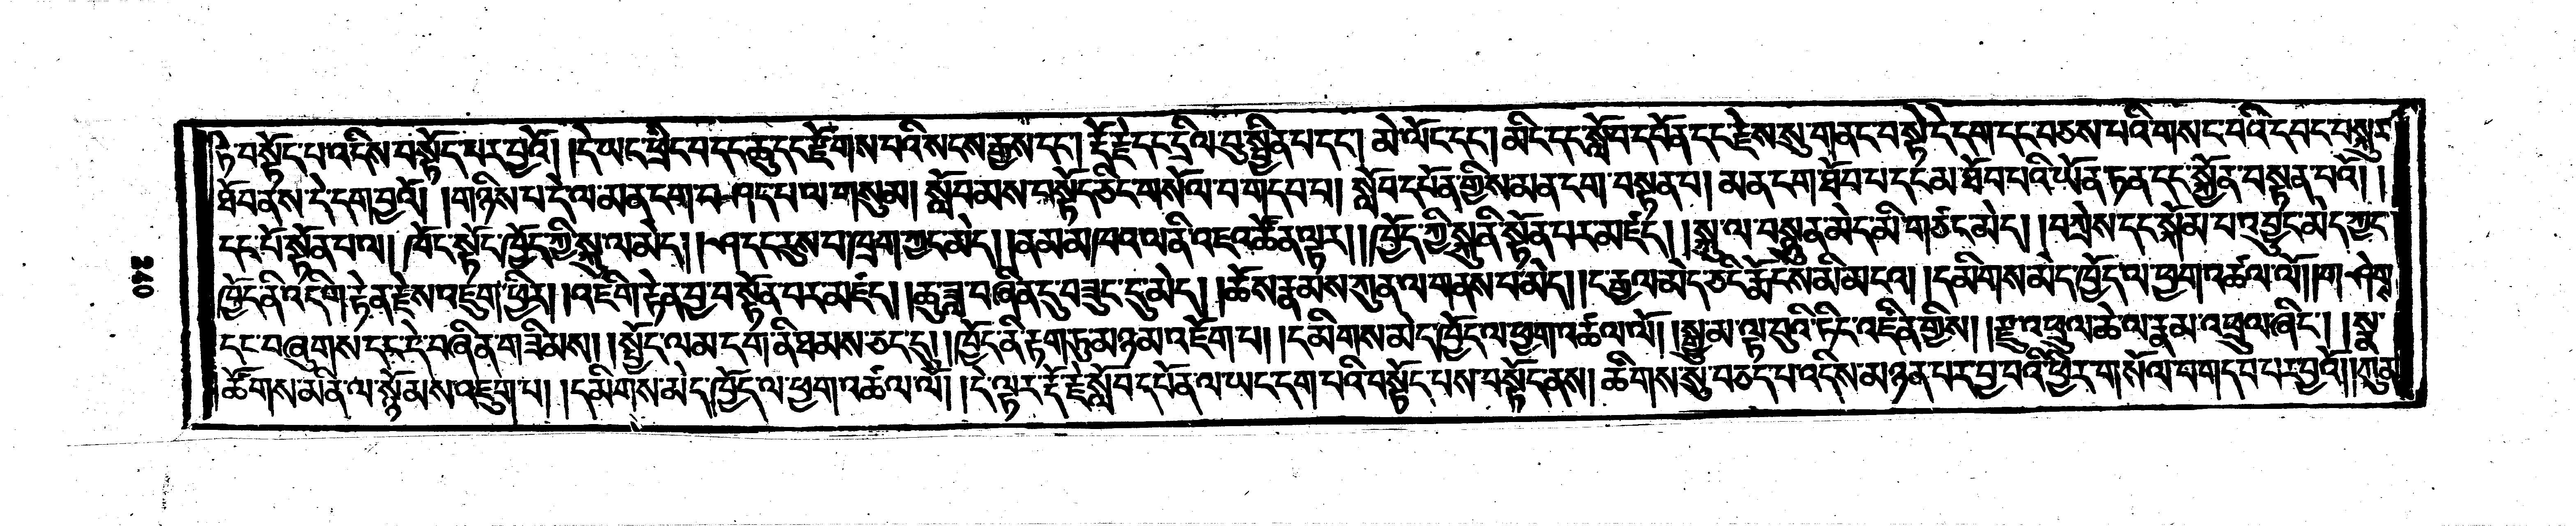ཏེ་བསྟོད་པ་འདིས་བསྟོད་པར་བྱའོ། །དེ་ཡང་ཕྲེང་བ་དང་ཆུ་དང་རྫོགས་པའི་སངས་རྒྱས་དང་། རྡོ་རྗེ་དང་དྲིལ་བུ་སྦྱིན་པ་དང་། མེ་ལོང་དང་། མིང་དང་སློབ་དཔོན་དང་རྗེས་སུ་གནང་བ་སྟེ་དེ་དག་དང་བཅས་པའི་གསང་བའི་དབང་བསྐུར་
ཐོབ་ནས་དེ་དག་བྱའོ། །གཉིས་པ་དེ་ལ་མན་ངག་བཤད་པ་ལ་གསུམ། སློབ་མས་བསྟོད་ཅིང་གསོལ་བ་གདབ་པ། སློབ་དཔོན་གྱིས་མན་ངག་བསྟན་པ། མན་ངག་ཐོབ་པ་དང་མ་ཐོབ་པའི་ཡོན་ཏན་དང་སྐྱོན་བསྟན་པའོ། །
དང་པོ་སྟོན་པ་ལ། ཁོང་སྟོང་ཁྱོད་ཀྱི་སྐུ་ལ་མེད། །ཤ་དང་རུས་པ་ཁྲག་ཀྱང་མེད། །ནམ་མཁའ་ལ་ནི་འཇའ་ཚོན་ལྟར། །ཁྱོད་ཀྱི་སྐུ་ནི་སྟོན་པར་མཛད། །སྐུ་ལ་བསྙུན་མེད་མི་གཙང་མེད། །བཀྲེས་དང་སྐོམ་པ་འབྱུང་མེད་ཀྱང་
ཁྱོད་ནི་འཇིག་རྟེན་རྗེས་འཇུག་ཕྱིར། །འཇིག་རྟེན་བྱ་བ་སྟོན་པར་མཛད། །ཆུ་ཟླ་བཞིན་དུ་བཟུང་དུ་མེད། །ཆོས་རྣམས་ཀུན་ལ་གནས་པ་མེད། །ང་རྒྱལ་མེད་ཅིང་རྨོངས་མི་མངའ། །དམིགས་མེད་ཁྱོད་ལ་ཕྱག་འཚལ་ལོ། །གཤེགས་
དང་བཞུགས་དང་དེ་བཞིན་གཟིམས། །སྤྱོད་ལམ་དག་ནི་ཐམས་ཅད་དུ། །ཁྱོད་ནི་རྟག་ཏུ་མཉམ་འཇོག་པ། །དམིགས་མེད་ཁྱོད་ལ་ཕྱག་འཚལ་ལོ། །སྒྱུ་མ་ལྟ་བུའི་ཏིང་འཛིན་གྱིས། །རྫུ་འཕྲུལ་ཆེ་ལ་རྣམ་འཕྲུལ་ཞིང་། །སྣ་
ཚོགས་མིན་ལ་སྙོམས་འཇུག་པ། །དམིགས་མེད་ཁྱོད་ལ་ཕྱག་འཚལ་ལོ། །དེ་ལྟར་རྡོ་རྗེ་སློབ་དཔོན་ལ་ཡང་དག་པའི་བསྟོད་པས་བསྟོད་ནས། ཚིགས་སུ་བཅད་པ་འདིས་མཉན་པར་བྱ་བའི་ཕྱིར་གསོལ་བ་གདབ་པར་བྱའོ། །ཀུན་